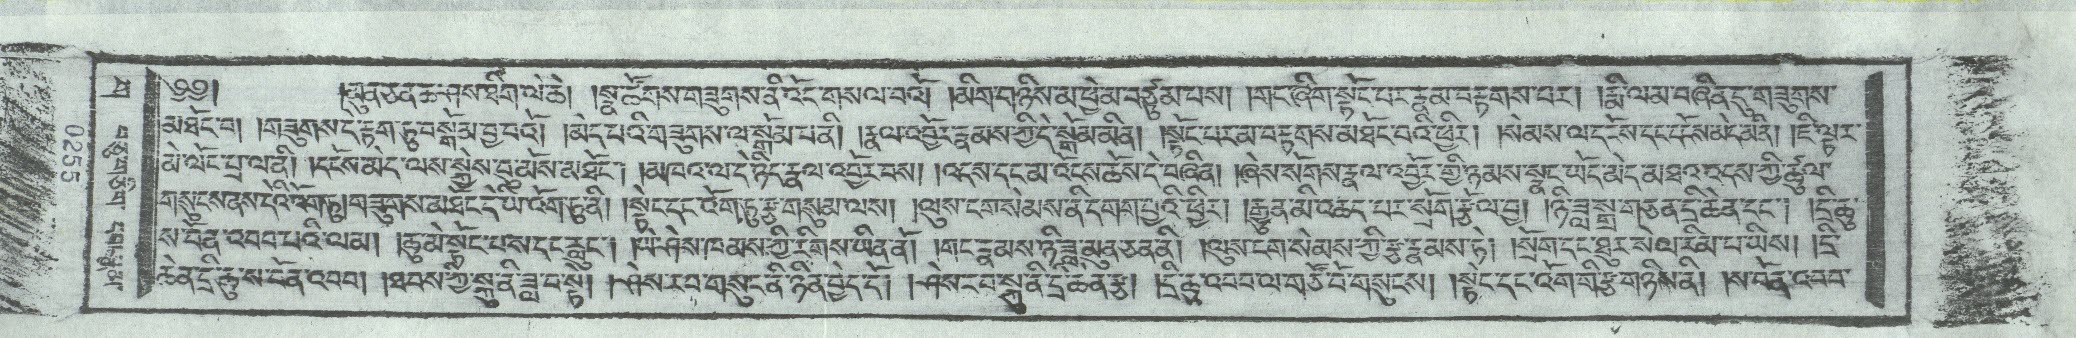༄༅། །མུན་ཅན་ཆ་ཤས་ཐིག་ལེ་ཆེ། །སྣ་ཚོགས་གཟུགས་ནི་འོད་གསལ་བའོ། །མིག་གཉིས་མ་ཕྱེ་མ་བཙུམ་པས། །གང་ཞིག་སྟོང་པར་རྣམ་བརྟགས་པར། །རྨི་ལམ་བཞིན་དུ་གཟུགས་
མཐོང་བ། །གཟུགས་དེ་རྟག་ཏུ་བསྒོམ་བྱ་བའོ། །མེད་པའི་གཟུགས་ལ་སྒོམ་པ་ནི། །རྣལ་འབྱོར་རྣམས་ཀྱི་དེ་སྒོམ་མིན། །སྟོང་པར་མ་བརྟགས་མཐོང་བའི་ཕྱིར། །སེམས་ལ་དངོས་དང་དངོས་མེད་མིན། །ཇི་ལྟར་
མེ་ལོང་པྲ་ལ་ནི། །དངོས་མེད་ལས་སྐྱེས་བུ་མོས་མཐོང་། །མཁའ་ལ་དེ་ཉིད་རྣལ་འབྱོར་བས། །འདས་དང་མ་འོངས་ཚོས་དེ་བཞིན། །ཞེས་སོགས་རྣལ་འབྱོར་གྱི་ཉམས་སྣང་ཡོད་མེད་མཐའ་འདས་ཀྱི་ཚུལ་
གསུངས་ནས་དེའི་འོག་ཏུ། གཟུགས་མཐོང་དེ་ཡི་འོག་ཏུ་ནི། །སྟེང་དང་འོག་ཏུ་རྩ་གསུམ་ལས། །ལུས་ངག་སེམས་ནི་དགག་བྱའི་ཕྱིར། །རྒྱུན་མི་འཆད་པར་སྲོག་རྩོལ་བྱ། །ཉི་ཟླ་སྒྲ་གཅན་དྲི་ཆེན་དང་། །དྲི་ཆུ་
ས་བོན་འབབ་པའི་ལམ། །ཆུ་མེ་སྟོང་པ་ས་དང་རླུང་། །ཡེ་ཤེས་ཁམས་ཀྱི་རིགས་ཡིན་ནོ། །གང་རྣམས་ཉི་ཟླ་མུན་ཅན་ནི། །ལུས་ངག་སེམས་ཀྱི་རྩ་རྣམས་ཏེ། །སྲོག་དང་ཐུར་སེལ་རིམ་པ་ཡིས། །དྲི་
ཆེན་དྲི་ཆུ་ས་བོན་འབབ། །ཐབས་ཀྱི་སྐུ་ནི་ཟླ་བ་སྟེ། །ཤེས་རབ་གསུང་ནི་ཉིན་བྱེད་དོ། །ཤེས་རབ་སྐུ་ནི་དྲི་ཆེན་རྩ། །དྲི་ཆུ་འབབ་ལ་གཙོ་བོ་གསུངས། །སྟེང་དང་འོག་གི་རྩ་གཉིས་ནི། །ས་བོན་འབབ་